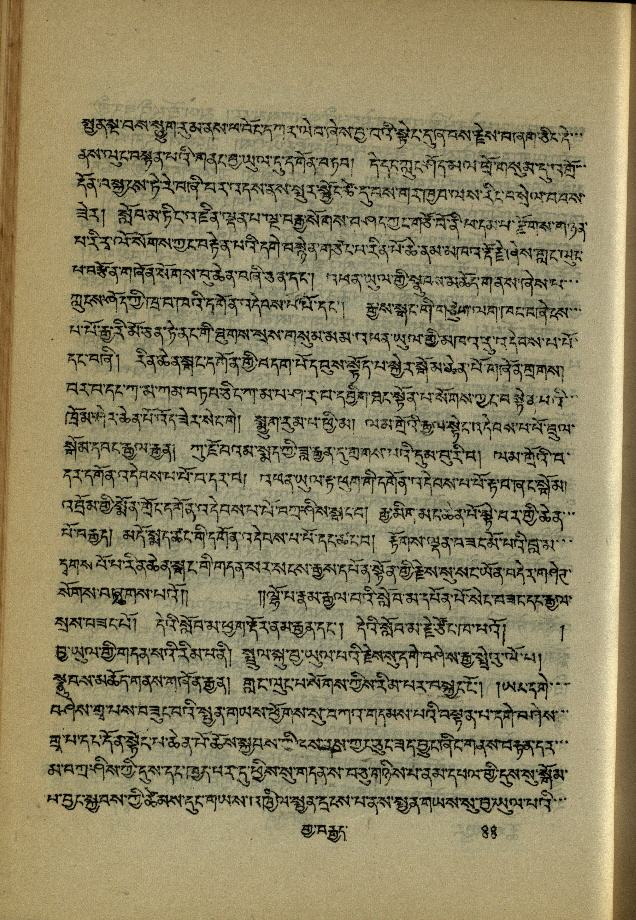སྤྱན་སྔ་བས་སྨྱུག་རུ་མ་ནས་ཕ་བོང་དཀར་ལེབ་ཞེས་བྱ་བའི་སྟེང་དུ་ཞབས་རྗེས་བཞག་ཅིང་དེ་
ནས་ལུང་བསྟན་པའི་གནང་བྱ་ཡུལ་དུ་དགོན་བཏབ། དེ་དང་ཀླུང་ཤོད་མ་ལ་གྲོ་གསུམ་དུ་འགྲོ་
དོན་བསྐྱངས་ཏེ་རེ་བཞི་པར་འདས་ནས་སྤུར་སྦྱོང་རྩེ་དུ་བས་གར་ཁྱབ་ལས་རིང་བསྲེལ་བབས་
ཟེར། སློབ་མ་ཏིང་འཛིན་ལྡན་པ་ལྔ་བརྒྱ་སོགས་བཤད་ཀྱང་གཙོ་བོ་ནི་ཕ་དམ་པ་རྫོགས་གཉན་
པ་རི་རྭ་ལོ་སོགས་ཀྱང་བརྟེན་པའི་དགེ་བསྙེན་གཙང་པ་རིན་པོ་ཆེ་ནམ་མཁའ་རྡོ་རྗེ་ཞེས་གླང་ལུང་
པ་བརྩོན་གཞོན་སོགས་བུ་ཆེན་བཞི་ཅན་དང་། འཕན་ཡུལ་གྱི་སྣུབས་མཆོད་གནས་ཞེས་པ་
ཀླུངས་ཤོད་ཀྱི་ཁྲ་བ་ཁའི་གདོན་འདེབས་པ་པོ་དང་། རྒྱས་སྒང་གི་གཙུག་ལག་ཁང་བཞེངས་
པ་པོ་རྒྱ་རི་མོ་ཅན་ཏེ་ནང་གི་ཐུགས་སྲས་གསུམ་མམ་འཕན་ཡུལ་གྱི་མཁའ་རུ་འདེབས་པ་པོ་
དང་བཞི། རིན་ཆེན་སྒང་དགོན་གྱི་བདག་པོ་དབུས་སྟོད་པ་སྐྱེར་སྒོམ་ཆེན་པོ་གཞོན་གྲགས།
བར་བ་དང་ཀ་མ་ཀམ་བཏབ་ཅིང་ཀ་མ་པ་ཤར་པ་དབྱིག་ཐང་སྟོན་པ་སོགས་ཀྱང་བསྟེན་པའི་
ཁྲོམ་ཤེར་ཆེན་པོ་འོད་ཟེར་སེང་གེ། སྨྱུག་རུམ་པ་ཕྱི་མ། ལམ་གྲོའི་རྒྱལ་སྟེང་འདེབས་པ་པོ་བྲུལ་
སྒོམ་དབང་རྒྱལ་རྒྱན། ཀུ་ཇོ་བའམ་སྨད་ཀྱི་ཟླ་རྒྱན་དུ་གྲགས་པའི་དུམ་བུ་རི་བ། ལམ་གྲོའི་བ་
དར་དགོན་འདེབས་པ་པོ་བ་དར་བ། འཕན་ཡུལ་རྟ་ཕུག་གི་དགོན་འདེབས་པ་པོ་རྟ་པ་ཞང་སྒོམ།
འབྲོམ་གྱི་སྨོན་གྲོང་དགོན་འདེབས་པ་པོ་བཀྲ་ཤིས་སྒང་བ། རྒྱ་མིག་མང་ཆེན་པོ་སྟེ་བར་གྱི་ཆེན་
པོ་བརྒྱད། མདོ་སྨད་ཚང་གི་དགོན་འདེབས་པ་པོ་དང་ཚང་བ། རྟོགས་ལྡན་བཟང་མོ་བའི་བླ་མ་
དྭགས་པོ་པ་རིན་ཆེན་སྒང་གི་གདན་སར་སངས་རྒྱས་དཔོན་སྟོན་གྱི་རྗེས་སུ་སང་ཡོན་བདེར་གཤེཊ་
སོགས་བཞུགས་པའོ།། །།ལྷོ་པ་རྣམས་རྒྱལ་བའི་སློབ་མ་དཔོན་པ་སེང་བཟང་དང་རྒྱལ་
སྲས་བཟང་པོ། དེའི་སློབ་མ་ཕྱག་རྡོར་ནམ་རྒྱན་དང་། དེའི་སློབ་མ་རྗེ་ཙོང་ཁ་པའོ། །
བྱ་ཡུལ་གྱི་གདན་སའི་རིམ་པ་ནི། སྤྲུལ་སྐུ་བྱ་ཡུལ་པའི་རྗེས་སུ་དགེ་བཤེས་རྒྱ་སྤྲེའུ་ལོ་པ།
སྣུབས་མཆོད་གནས་གཞོན་རྒྱན། གླང་ལུང་པ་སོགས་ཀྱིས་རིམ་པར་བསྐྱང་ངོ། །ཡང་དགེ་
བཤེས་གྲྭ་པས་བཟུང་བའི་སྤྱན་གཡས་ཕྱོགས་སུ་བཀའ་གདམས་པའི་བསྟན་པ་དགེ་བཤེས་
གྲྭ་པ་དང་དོན་སྟེང་པ་ཆེན་པོ་ཆོས་སྐྱབས་ཀྱི་ཁས་ནས་ཀྱང་ཅུང་ཟད་བྱུང་ཞིང་གནས་བརྟན་དར་
མ་བཀྲ་ཤིས་ཀྱི་དུས་དང་ཁྱད་པར་དུ་ཕྱིས་སུ་གདན་ས་བཅུ་གཉིས་པ་ནམ་དཔལ་གྱི་དུས་སུ་སྒོམ་
པ་བྱང་སྐྱབས་ཀྱི་ཚེམས་དུང་གཡས་འཁྱིལ་སྤྱན་དྲངས་པ་ནས་སྤྱན་གཡས་སུ་བྱ་ཡུལ་པའི་